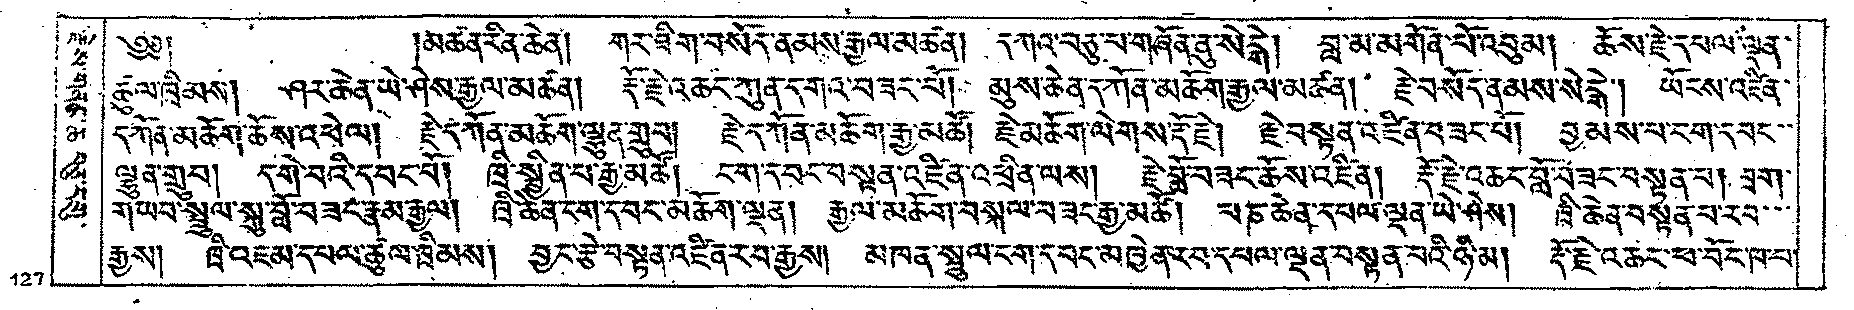༄༅། །མཚན་རིན་ཆེན། གར་ཐིག་བསོད་ནམས་རྒྱལ་མཚན། དཀའ་བཅུ་པ་གཞོན་ནུ་སེངྒེ། བླ་མ་མགོན་པོ་འབུམ། ཆོས་རྗེ་དཔལ་ལྡན་
ཚུལ་ཁྲིམས། ཤར་ཆེན་ཡེ་ཤེས་རྒྱལ་མཚན། རྡོ་རྗེ་འཆང་ཀུན་དགའ་བཟང་པོ། མུས་ཆེན་དཀོན་མཆོག་རྒྱལ་མཚན། རྗེ་བསོད་ནམས་སེངྒེ། ཡོངས་འཛིན་
དཀོན་མཆོག་ཆོས་འཕེལ། རྗེ་དཀོན་མཆོག་ལྷུན་གྲུབ། རྗེ་དཀོན་མཆོག་རྒྱ་མཚོ། རྗེ་མཆོག་ལེགས་རྡོ་རྗེ། རྗེ་བསྟན་འཛིན་བཟང་པོ། བྱམས་པ་ངག་དབང་
ལྷུན་གྲུབ། དགེ་བའི་དབང་པོ། ཁྲི་སྦྱིན་པ་རྒྱ་མཚོ། ངག་དབང་བསྟན་འཛིན་འཕྲིན་ལས། རྗེ་བློ་བཟང་ཆོས་འཛིན། རྡོ་རྗེ་འཆང་བློ་བཟང་བསྟན་པ། བྲག་
གཡབ་སྤྲུལ་སྐུ་བློ་བཟང་རྣམ་རྒྱལ། ཁྲི་ཆེན་ངག་དབང་མཆོག་ལྡན། རྒྱལ་མཆོག་བསྐལ་བཟང་རྒྱ་མཚོ། པཎ་ཆེན་དཔལ་ལྡན་ཡེ་ཤེས། ཁྲི་ཆེན་བསྟན་པ་རབ་
རྒྱས། ཁྲི་འཇམ་དཔལ་ཚུལ་ཁྲིམས། བྱང་རྩེ་བསྟན་འཛིན་རབ་རྒྱས། མཁན་སྤྲུལ་ངག་དབང་མཁྱེན་རབ་དཔལ་ལྡན་བསྟན་པའི་ཉི་མ། རྡོ་རྗེ་འཆང་ཕ་བོང་ཁ་པ་